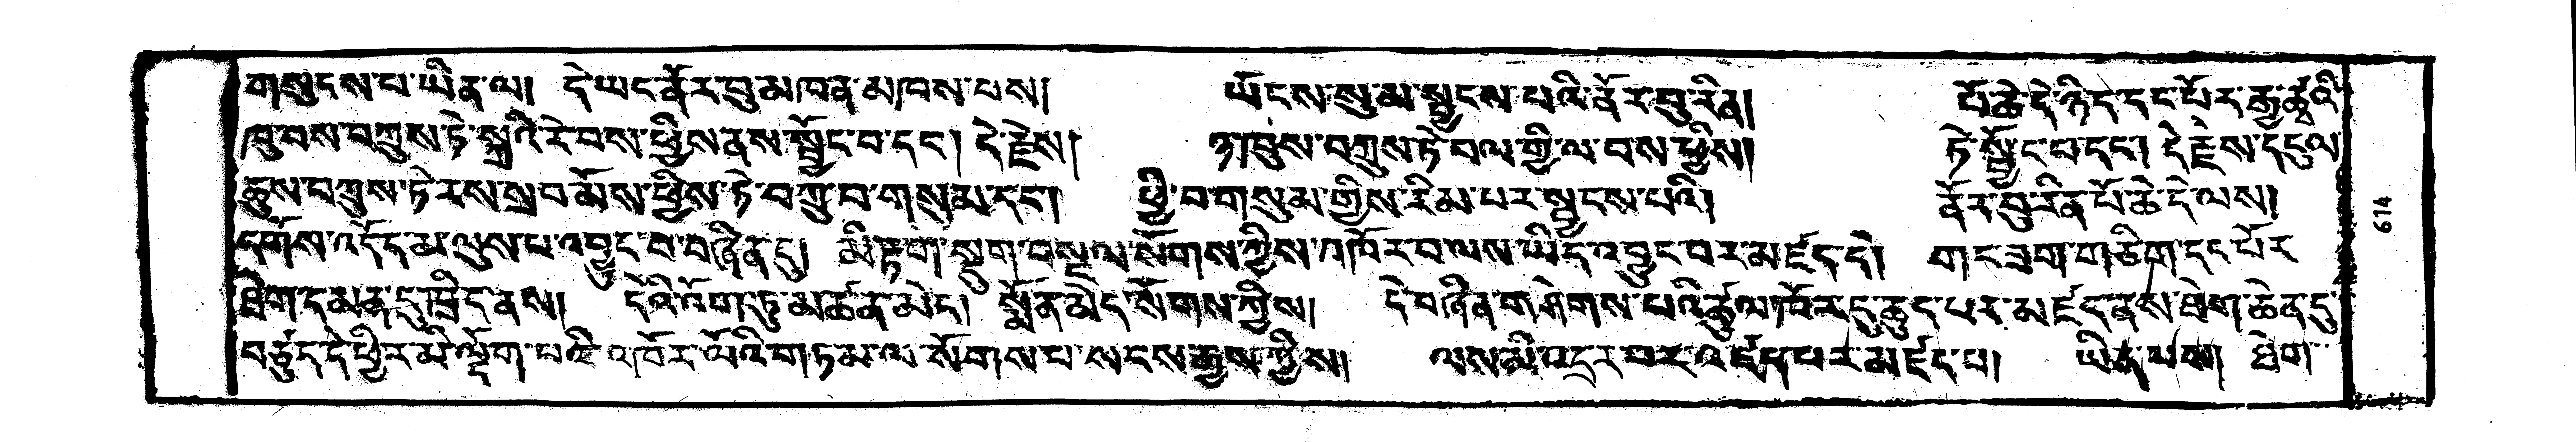གསུངས་པ་ཡིན་ལ། དེ་ཡང་ནོར་བུ་མཁན་མཁས་པས། ཡོངས་སུ་མ་སྦྱངས་པའི་ནོར་བུ་རིན། པོ་ཆེ་དེ་ཉིད་དང་པོར་རྒྱ་ཚྭའི་
ཁུ་བས་བཀྲུས་ཏེ་སྐྲའི་རེ་བས་ཕྱིས་ནས་སྦྱོང་བ་དང་། དེ་རྗེས། ཉ་ཁུས་བཀྲུས་ཏེ་བལ་གྱི་ལ་བས་ཕྱིས། ཏེ་སྦྱོང་བ་དང་། དེ་རྗེས་དངུལ་
ཆུས་བཀྲུས་ཏེ་རས་སྲབ་མོས་ཕྱིས་ཏེ་བཀྲུ་བ་གསུམ་དང་། ཕྱི་བ་གསུམ་གྱིས་རིམ་པར་སྦྱངས་པའི། ནོར་བུ་རིན་པོ་ཆེ་དེ་ལས།
དགོས་འདོད་མ་ལུས་པ་འབྱུང་བ་བཞིན་དུ། མི་རྟག་སྡུག་བསྔལ་སོགས་ཀྱིས་འཁོར་བ་ལས་ཡིད་འབྱུང་བར་མཛད་དེ། གང་ཟག་གཅིག་དང་པོར་
ཐེག་དམན་དུ་ཁྲིད་ནས། དེའི་འོག་ཏུ་མཚན་མེད། སྨོན་མེད་སོགས་ཀྱིས། དེ་བཞིན་གཤེགས་པའི་ཚུལ་ཁོར་དུ་ཆུད་པར་མཛད་ནས་ཐེག་ཆེན་དུ་
བཙུད་དེ་ཕྱིར་མི་ལྡོག་པའི་འཁོར་ལོའི་གཏམ་ལ་སོགས་པ་སངས་རྒྱས་ཀྱིས། ལས་མི་འདྲར་བར་འཛད་པར་མཛད་པ། ཡིན་པས། ཐེག་